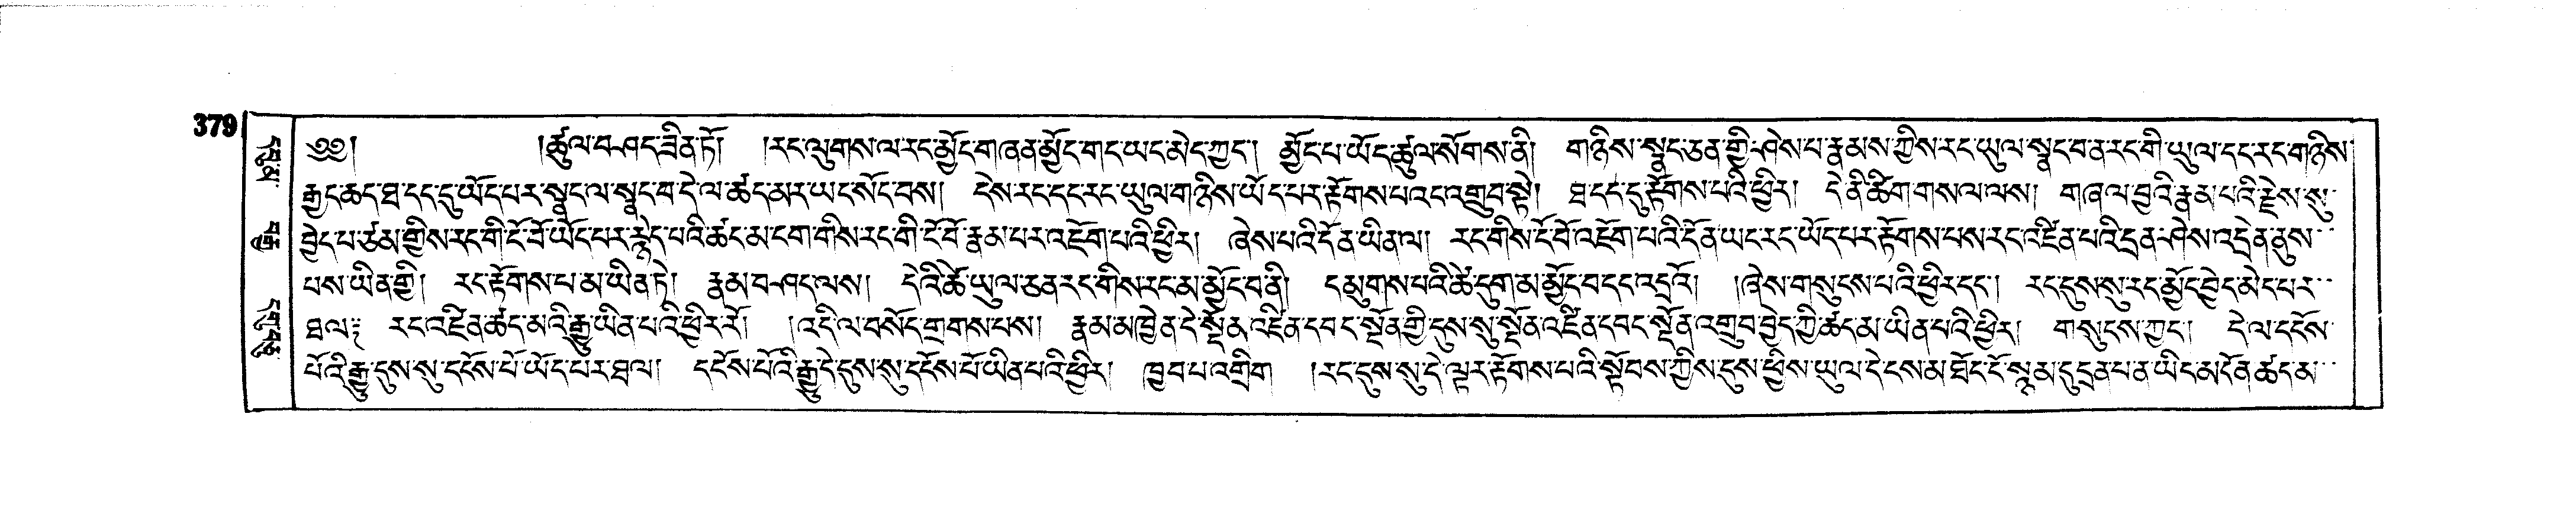༄༅། །ཚུལ་བཤད་ཟིན་ཏོ། །རང་ལུགས་ལ་རང་མྱོང་གཞན་མྱོང་གང་ཡང་མེད་ཀྱང་། མྱོང་པ་ཡོད་ཚུལ་སོགས་ནི། གཉིས་སྣང་ཅན་གྱི་ཤེས་པ་རྣམས་ཀྱིས་རང་ཡུལ་སྣང་བ་ན་རང་གི་ཡུལ་དང་རང་གཉིས་
རྒྱང་ཆད་ཐ་དད་དུ་ཡོད་པར་སྣང་ལ་སྣང་བ་དེ་ལ་ཚད་མར་ཡང་སོང་བས། དེས་རང་དང་རང་ཡུལ་གཉིས་ཡོད་པར་རྟོགས་པའང་འགྲུབ་སྟེ། ཐ་དད་དུ་རྟོགས་པའི་ཕྱིར། དེ་ནི་ཚིག་གསལ་ལས། གཞལ་བྱའི་རྣམ་པའི་རྗེས་སུ་
བྱེད་པ་ཙམ་གྱིས་རང་གི་ངོ་བོ་ཡོད་པར་རྙེད་པའི་ཚད་མ་དག་གིས་རང་གི་ངོ་བོ་རྣམ་པར་འཇོག་པའི་ཕྱིར། ཞེས་པའི་དོན་ཡིན་ལ། རང་གིས་ངོ་བོ་འཇོག་པའི་དོན་ཡང་རང་ཡོད་པར་རྟོགས་པས་རང་འཛིན་པའི་དྲན་ཤེས་འདྲེན་ནུས་
པས་ཡིན་གྱི། རང་རྟོགས་པ་མ་ཡིན་ཏེ། རྣམ་བཤད་ལས། དེའི་ཚེ་ཡུལ་ཅན་རང་གིས་རང་མ་མྱོང་བ་ནི། དམུགས་པའི་ཚེ་དུག་མ་མྱོང་བ་དང་འདྲའོ། །ཞེས་གསུངས་པའི་ཕྱིར་དང་། རང་དུས་སུ་རང་མྱོང་བྱེད་མེད་པར་
ཐལ༑ རང་འཛིན་ཚད་མའི་རྒྱུ་ཡིན་པའི་ཕྱིར་རོ། །འདི་ལ་བསོད་གྲགས་པས། རྣམ་མཁྱེན་དེ་སྔོན་འཛིན་དབང་སྔོན་གྱི་དུས་སུ་སྔོན་འཛིན་དབང་སྔོན་འགྲུབ་བྱེད་ཀྱི་ཚད་མ་ཡིན་པའི་ཕྱིར། གསུངས་ཀྱང་། དེ་ལ་དངོས་
པོའི་རྒྱུ་དུས་སུ་དངོས་པོ་ཡོད་པར་ཐལ། དངོས་པོའི་རྒྱུ་དེ་དུས་སུ་དངོས་པོ་ཡིན་པའི་ཕྱིར། ཁྱབ་པ་འགྲིག །རང་དུས་སུ་དེ་ལྟར་རྟོགས་པའི་སྟོབས་ཀྱིས་དུས་ཕྱིས་ཡུལ་དེ་ངས་མཐོང་ངོ་སྙམ་དུ་དྲན་པ་ན་ཡིད་མངོན་ཚད་མ་